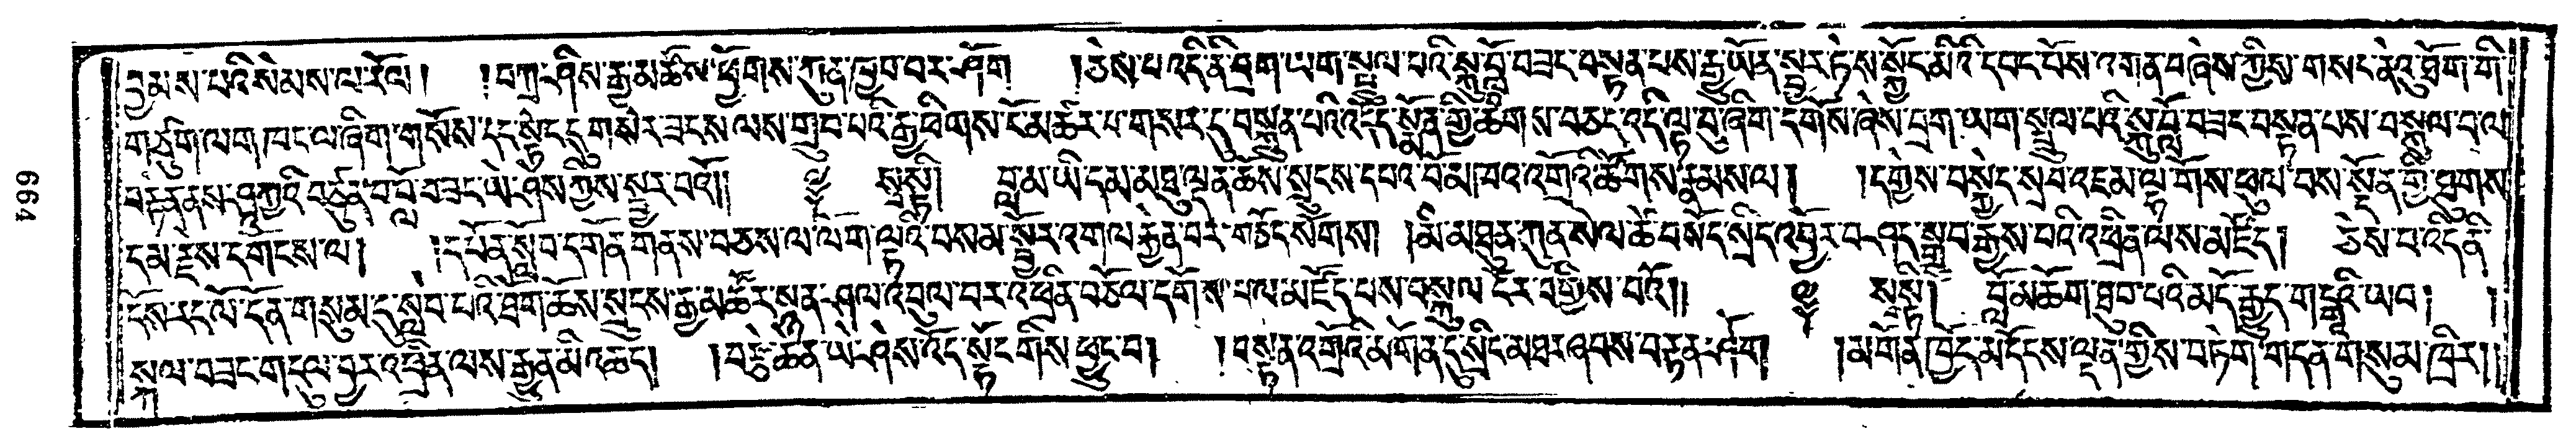བྱམས་པའི་སེམས་ལ་རོལ། །བཀྲ་ཤིས་རྒྱ་མཚོས་ཕྱོགས་ཀུན་ཁྱབ་བར་ཤོག །ཅེས་པ་འདི་ནི་བྲག་ཡག་སྤྲུལ་པའི་སྐུ་བློ་བཟང་བསྟན་པས་རྒྱུ་ཡོན་སྦྱར་ཏེ་ས་སྐྱོང་མིའི་དབང་པོས་འགན་བཞེས་ཀྱིས་གསང་ནེའུ་ཐོག་གི་
གཙུག་ལག་ཁང་ལ་ཞིག་གསོས་དང་སྟེང་དུ་གསེར་ཟངས་ལས་གྲུབ་པའི་རྒྱ་ཕིགས་ངོ་མཚར་པ་གསར་དུ་བསྐྲུན་པའི་འདོད་སྨོན་གྱི་ཆགས་བཅད་འདི་ལྟ་བུ་ཞིག་དགོས་ཞེས་བྲག་ཡག་སྤྲུལ་པའི་སྐུ་བློ་བཟང་བསྟན་པས་བསྐུལ་བ་ལ་
བརྟེན་ནས་ཤཱཀྱའི་བཙུན་བ་བློ་བཟང་ཡེ་ཤེས་ཀྱིས་སྦྱར་པའོ།། ༈ སྭསྟི། བླ་མ་ཡི་དམ་མཐུ་ལྡན་ཆོས་སྲུངས་དཔའ་བོ་མཁའ་འགྲོའི་ཚོགས་རྣམས་ལ། །དགྱེས་བསྐྱེད་སྲབ་འཇམ་ལྷ་གོས་ཕུལ་བས་སྔོན་གྱི་ཐུགས་
དམ་རྗེས་དགོངས་ལ། །དཔོན་སློབ་དགོན་གནས་བཅས་ལ་ལོག་ལྟའི་བསམ་སྦྱོར་འགལ་རྐྱེན་བར་གཅོད་སོགས། །མི་མཐུན་ཀུན་སེལ་ཚེ་བསོད་སྲིད་འབྱོར་བཤད་སྒྲུབ་རྒྱས་པའི་འཕྲིན་ལས་མཛོད། ཅེས་པ་འདི་ནི་
ངོས་རང་ལོ་དོན་གསུམ་དུ་སླེབ་པའི་ཐོག་ཆོས་སྲུངས་རྒྱ་མཚོར་སྙན་ཤལ་འབུལ་བར་འཕྲིན་བཅོལ་དགོས་པ་ལ་མཛོད་པས་བསྐུལ་ངོར་བགྱིས་པའོ།། ༈ སྭསྟི། བློ་མཆོག་ཐུབ་པའི་མདོ་རྒྱུད་གངྒའི་ཡབ། །
སྐལ་བཟང་གདུལ་བྱར་འཕྲིན་ལས་རྒྱུན་མི་འཆད། །བརྩེ་ཆེན་ཡེ་ཤེས་འོད་སྟོང་གིས་ཕྱུང་བ། །བསྟན་འགྲོའི་མགོན་དུ་སྲིད་མཐར་ཞབས་བརྟན་ཤོག །མགོན་ཁྱོད་མདོངས་ལྡན་གྱིས་བཏེག་གདན་གསུམ་ཁྲིར།།